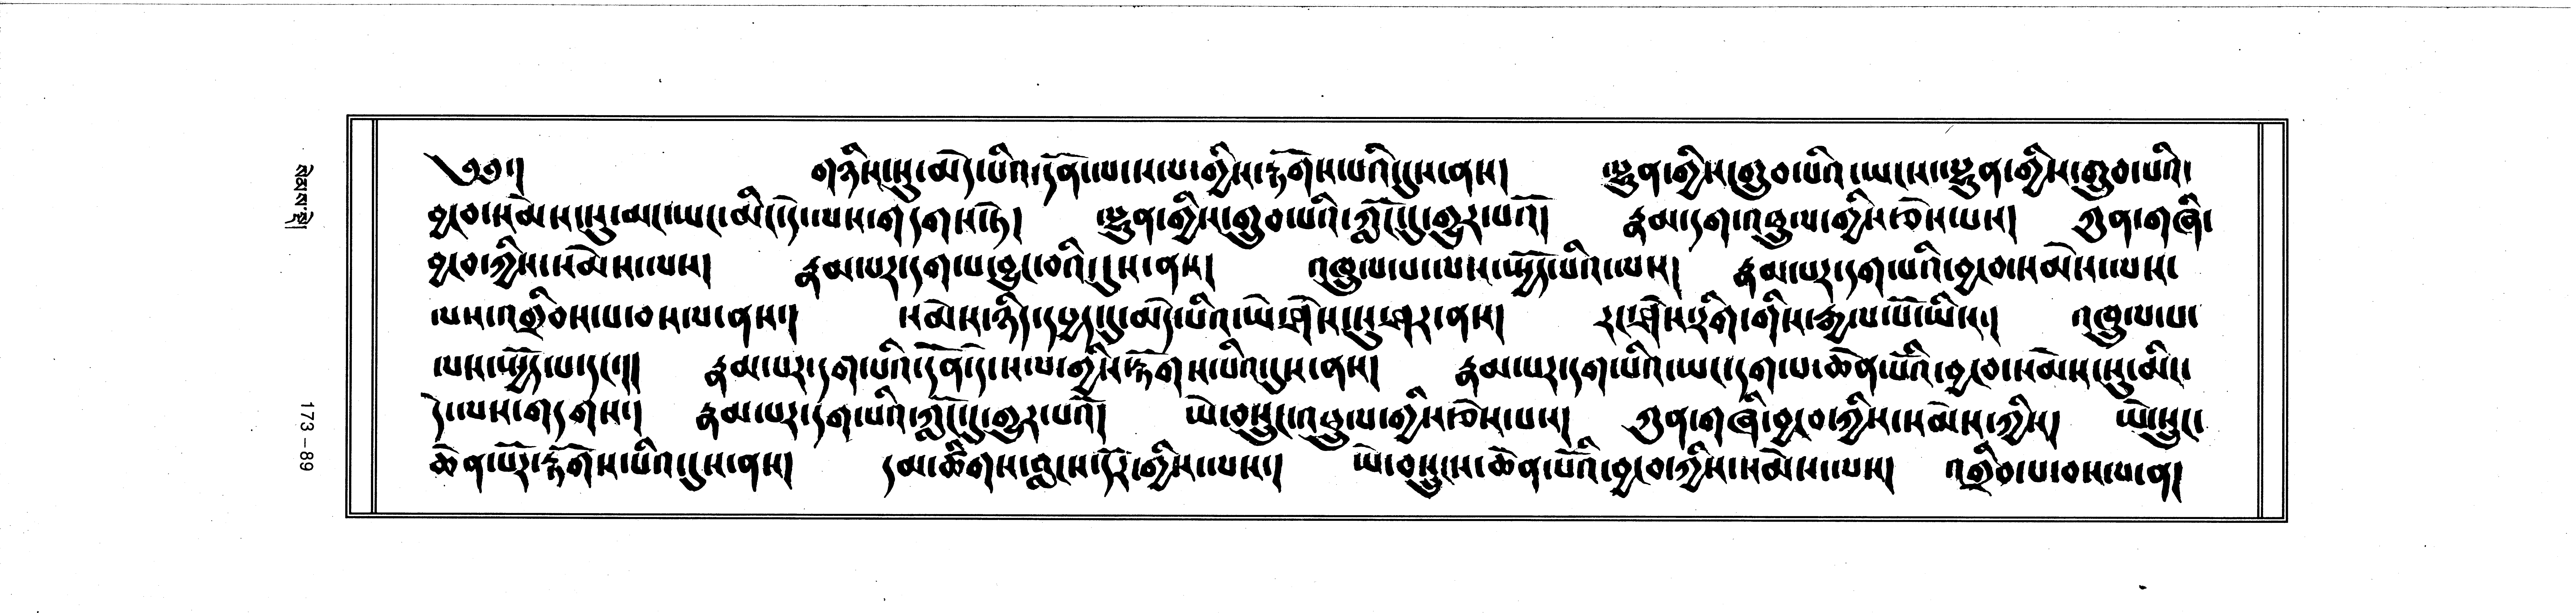གཉིས་སུ་མེད་པའི་དོན་སལ་གྱིས་རྟོགས་པའི་དུས་ནས། ལྷུན་གྱིས་གྲུབ་པའི་ཡང་ལྷུན་གྱིས་གྲུབ་པའི་
བྱང་ཆུབ་སེམས་སུ་མང་ཡང་མིང་དེ་ལས་གདགས་ཏེ། ལྷུན་གྱིས་གྲུབ་པའི་ཀློང་དུ་གྱུར་པའོ། རྣམ་དག་འཕྲུལ་གྱིས་ཅེས་པས། ཀུན་གཞི་
བྱང་ཆུབ་སེམས་ལས། རྣམ་པར་དག་པ་བྱུང་བའི་དུས་ན། འཁྲུལ་པ་ལས་སྤྱོད་པའི་ལས། རྣམ་པར་དག་པའི་བྱང་ཆུབ་སེམས་ལས་
ལས་འགྲིབས་པ་བསལ་ནས། སེམས་ཉིད་དཔྱད་དུ་མེད་པའི་ཡེ་ཤེས་སུ་ཤར་ནས། རང་ཤེས་རིག་གི་རྒྱལ་པོ་ཡིས། འཁྲུལ་པ་
ལས་སྤྱོད་པ་དང་། རྣམ་པར་དག་པའི་དོན་དེ་སལ་གྱིས་རྟོགས་པའི་དུས་ན། རྣམ་པར་དག་པའི་ཡང་དག་པ་ཆེན་པོའི་བྱང་ཆུབ་སེམས་སུ་མིང་
དེ་ལས་གདགས། རྣམ་པར་དག་པའི་ཀློང་དུ་གྱུར་པའོ། །ཡེ་བསྲུང་འཕྲུལ་གྱིས་ཅེས་པས། ཀུན་གཞི་བྱང་ཆུབ་ཀྱི་སེམས་ཀྱིས། ཡེ་བསྲུང་
ཆེན་པོར་རྟོགས་པའི་དུས་ན། དམ་ཚིག་བླང་དོར་གྱི་ལས། ཡེ་བསྲུང་ཆེན་པོའི་བྱང་ཆུབ་ཀྱི་སེམས་ལས། འགྲིབ་པ་བསལ་ན་